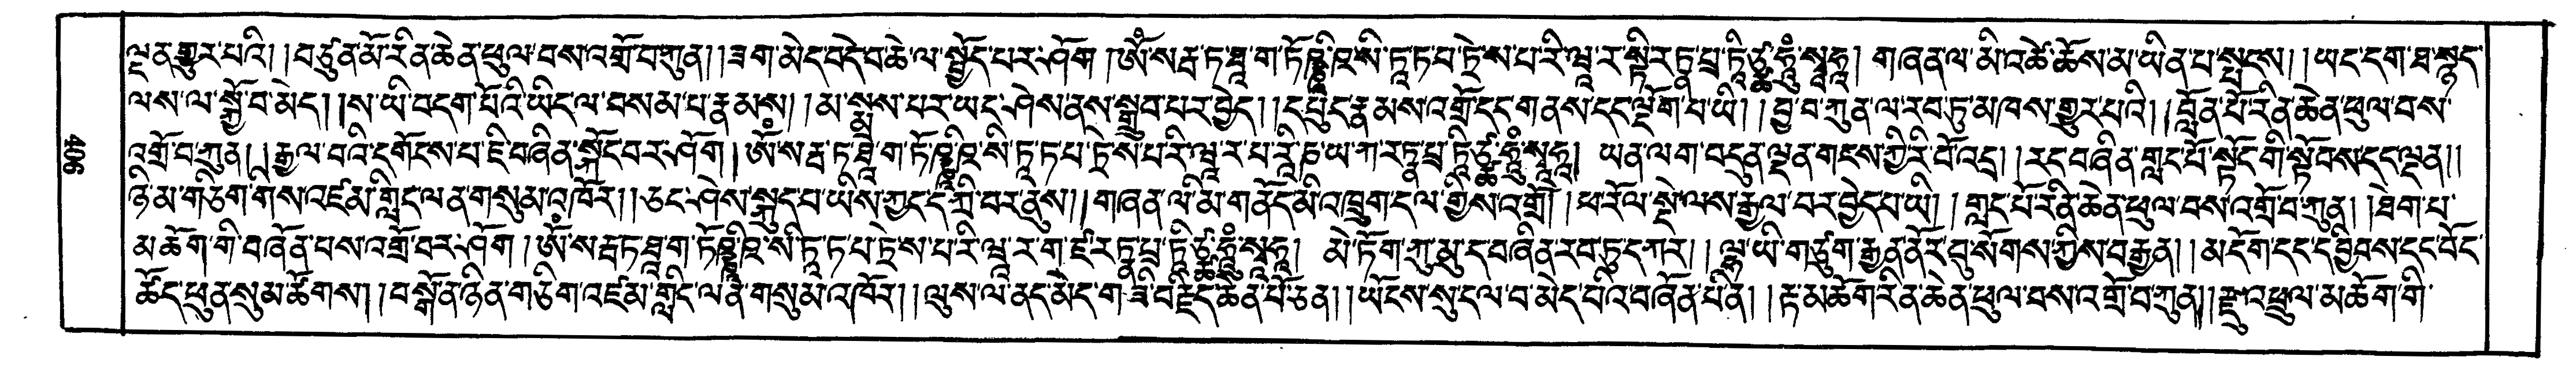ལྡན་གྱུར་བའི། །བཙུན་མོ་རིན་ཆེན་ཕུལ་བས་འགྲོ་བ་ཀུན། །ཟག་མེད་བདེ་བ་ཆེ་ལ་སྤྱོད་པར་ཤོག །ཨོཾ་སརྦ་ཏ་ཐཱ་ག་ཏོཥྞཱི་ཥ་སི་ཏཱ་ཏ་པ་ཏྲེ་སེ་པ་རི་ཝཱ་ར་སྟྲི་རཏྣ་པྲ་ཏཱིཙྪ་ཧཱུཾ་སྭཱཧཱ། གཞན་ལ་མི་འཚེ་ཆོས་མ་ཡིན་པ་སྤངས། །ཡང་དག་ཐ་སྙད་
ལས་ལ་སྐྱོ་བ་མེད། །ས་ཡི་བདག་པོའི་ཡིད་ལ་བསམ་པ་རྣམས། །མ་སྨྲས་པར་ཡང་ཤེས་ནས་སྒྲུབ་པར་བྱེད། །དཔུང་རྣམས་འགྲོ་དང་གནས་དང་ལྡོག་པ་ཡི། །བྱ་བ་ཀུན་ལ་རབ་ཏུ་མཁས་གྱུར་པའི། །བློན་པོ་རིན་ཆེན་ཕུལ་བས་
འགྲོ་བ་ཀུན། །རྒྱལ་བའི་དགོངས་པ་ཇི་བཞིན་སྐོང་བར་ཤོག། ཨོཾ་སརྦ་ཏ་ཐཱ་ག་ཏོ་ཥྞཱི་ཥ་སི་ཏཱ་ཏ་པ་ཏྲེ་ས་པ་རི་ཝཱ་ར་པ་རཱི་ཎ་ཡ་ཀ་རཏྣ་པྲ་ཏཱིཙྪ་ཧཱུཾ་སྭཱཧཱ། ཡན་ལག་བདུན་ལྡན་གངས་ཀྱི་རི་བོ་འདྲ། །རང་བཞིན་གླང་པོ་སྟོང་གི་སྟོབས་དང་ལྡན།།
ཉི་མ་གཅིག་གིས་འཛམ་གླིང་ལན་གསུམ་འཁོར། །ཅང་ཤེས་སྐུད་པ་ཡིས་ཀྱང་དཀྲི་བར་ནུས། །གཞན་ལི་མ་གནོད་མི་འཁྲུག་དལ་གྱིས་འགྲོ། །ཕ་རོལ་སྡེ་ལས་རྒྱལ་བར་བྱེད་པ་ཡི། །གླང་པོ་རིན་ཆེན་ཕུལ་བས་འགྲོ་བ་ཀུན། །ཐེག་པ་
མཆོག་གི་བཞོན་པས་འགྲོ་བར་ཤོག །ཨོཾ་སརྦ་ཏ་ཐཱ་ག་ཏོཥྞཱི་ཥ་སི་ཏཱ་ཏ་པ་ཏྲེ་སེ་པ་རི་ཝཱ་ར་ག་ཛ་རཏྣ་པྲ་ཏཱིཙྪ་ཧཱུཾ་སྭཱཧཱ། མེ་ཏོག་ཀུ་མུ་ང་བཞིན་རབ་ཏུ་དཀར། །ལྷ་ཡི་གཙུག་རྒྱན་ནོར་བུ་སོགས་ཀྱིས་བརྒྱན། །མདོག་དང་དབྱིབས་དང་བོང་
ཚོད་ཕུན་སུམ་ཚོགས། །བསྒྲོ་ན་ཉིན་གཅིག་འཛམ་གླིང་ལན་གསུམ་འཁོར། །ལུས་ལ་ནད་མེད་གཟི་བརྗིད་ཆེན་པོ་ཅན། །ཡོངས་སུ་ངལ་བ་མེད་པའི་བཞོན་པ་ནི། །རྟ་མཆོག་རིན་ཆེན་ཕུལ་བས་འགྲོ་བ་ཀུན། །རྫུ་འཕྲུལ་མཆོག་གི་